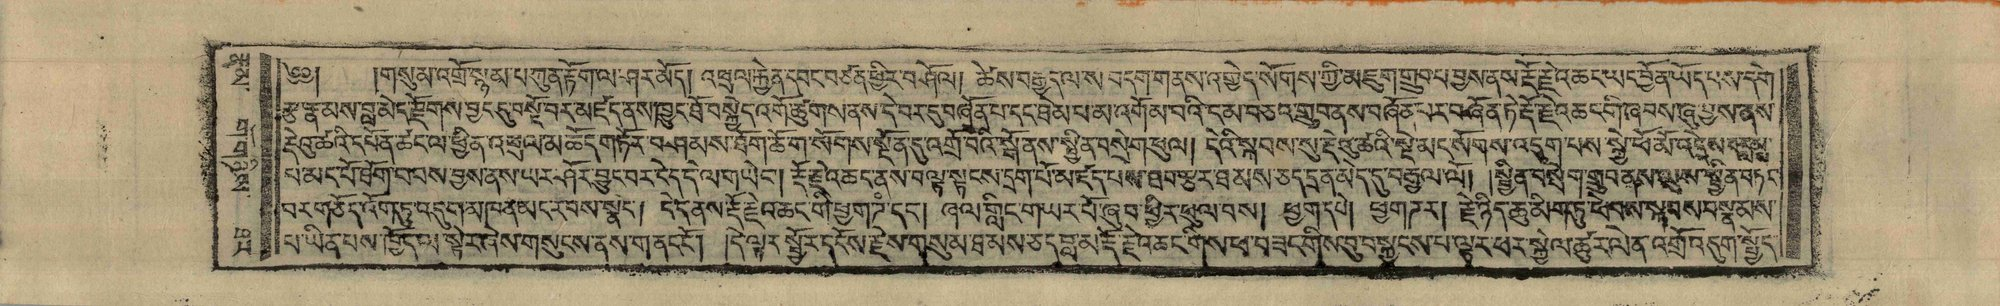༄༅། །གསུམ་འགྲོ་སྙམ་པ་ཀུན་རྟོག་ལ་ཤར་མོད། འཕྲལ་རྐྱེན་དབང་བཙན་ཕྱིར་བཤོལ། ཚེས་བརྒྱད་ལ་ས་བདག་གནས་འགྱེད་སོགས་ཀྱི་མཇུག་གྲུབ་པ་བྱས་ནས་རྡོ་རྗེ་འཆང་ཡང་བྱོན་ཡོད་པས་དགེ་
རྩ་རྣམས་བླ་མེད་རྫོགས་བྱང་དུ་བསྔོ་བར་མཛད་ནས་ཁྱུང་ཐོ་བསྐྱེད་འགོ་ཚུགས་ནས་དེ་བར་དུ་བཞོན་པ་དང་ཐེམ་པ་མ་འགོམ་པའི་དམ་བཅའ་གྲུབ་ནས་བཞོན་པར་བཞོན་ཏེ་རྡོ་རྗེ་འཆང་གི་ཞབས་ཞུ་བྱས་ནས་
རྡེའུ་ཚའི་དཔོན་ཚང་ལ་ཕྱིན་འཕྲལ་མཆོད་གཏོར་བཤམས་ཐོག་ཆོ་ག་སོགས་སྔོན་དུ་འགྲོ་བའི་སྒོ་ནས་སྦྱིན་བསྲེག་ཕུལ། དེའི་སྐབས་སུ་རྡེའུ་ཚའི་སྡེ་མང་སོགས་འདུག་པས་སྐྱེ་ཕོ་མོ་འདྲེས་བརླམས་
པ་མང་པོ་ཐོག་བབས་བྱས་ནས་ཡར་ཤོར་བྱུང་བར་ངེད་དེ་ལ་གཡེང་། རྡོ་རྗེ་འཆང་ནས་བལྟ་སྟངས་དྲག་པོ་མཛད་པས་ཐབ་རྩར་ཐམས་ཅད་དྲན་མེད་དུ་བརྒྱལ་ལོ། །སྦྱིན་བསྲེག་གྲུབ་ནས་ལུས་སྦྱིན་བཏང་
བར་གཅོད་འོག་ཏུ་འདུག་མཁན་མང་རབས་སྣང་། ངེད་ནས་རྡོ་རྗེ་འཆང་གི་ཕྱག་ཌཾ་དང་། ཞལ་གླིང་གཡར་པོ་ཞུབ་ཕྱིར་ཕུལ་བས། ཕྱག་དཔེ། ཕྱག་ཌར། རྗེ་ཉིད་ཆུ་མིག་ཏུ་ཕེབས་སྐབས་བསྣམས་
པ་ཡིན་པས་ཁྱོད་ལ་སྟེར་ཞེས་གསུངས་ནས་གནང་ངོ། །དེ་ལྟར་སྦྱོར་དངོས་རྗེས་གསུམ་ཐམས་ཅད་བླ་མ་རྡོ་རྗེ་འཆང་གིས་ཕ་བཟང་གིས་བུ་བསྐྱངས་པ་ལྟར་ཕར་སྐྱེལ་ཚུར་ལེན་འགྲོ་འདུག་སྤྱོད་